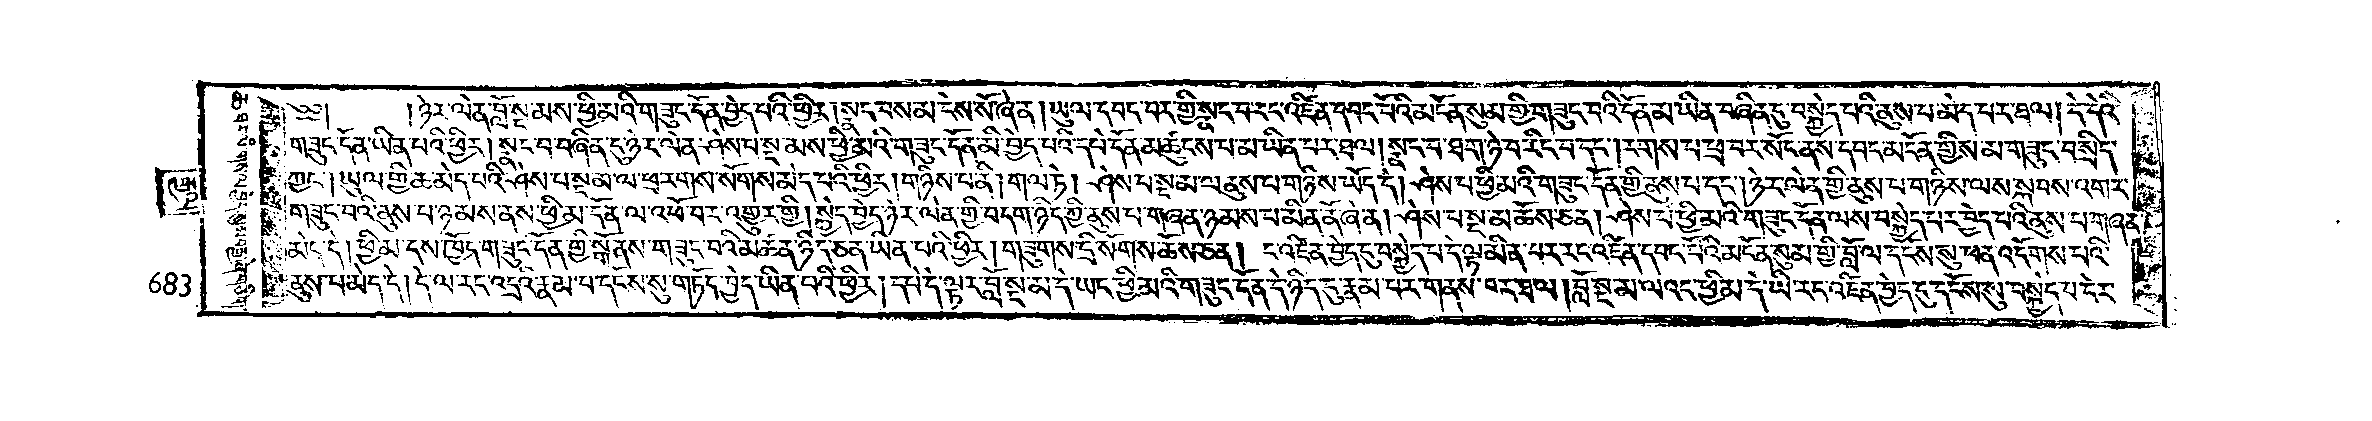༄༅། །ཉེར་ལེན་བློ་སྔ་མས་ཕྱི་མའི་གཟུང་དོན་བྱེད་པའི་ཕྱིར། སྣང་བས་མ་ངེས་སོ་ཞེ་ན། ཡུལ་དབང་བར་གྱི་སྣང་བ་རང་འཛིན་དབང་པོའི་མངོན་སུམ་གྱི་གཟུང་བའི་དོན་མ་ཡིན་བཞིན་དུ་བསྐྱེད་པའི་ནུས་པ་མེད་པར་ཐལ། དེ་དེའི་
གཟུང་དོན་ཡིན་པའི་ཕྱིར། སྣང་བ་བཞིན་དུ་ཉེར་ལེན་ཤེས་པ་སྔ་མས་ཕྱི་མའི་གཟུང་དོན་མི་བྱེད་པའི་དཔེ་དོན་མཚུངས་པ་མ་ཡིན་པར་ཐལ། སྣང་བ་ཐག་ཉེ་བ་རིང་བ་དང་། རགས་པ་ཕྲ་བར་སོང་ནས་དབང་མངོན་གྱིས་མ་གཟུང་བ་སྲིད་
ཀྱང་། ཡུལ་གྱི་ཆ་མེད་པའི་ཤེས་པ་སྔ་མ་ལ་ཕྲ་རགས་སོགས་མེད་པའི་ཕྱིར། གཉིས་པ་ནི། གལ་ཏེ། ཤེས་པ་སྔ་མ་ལ་ནུས་པ་གཉིས་ཡོད་དེ། ཤེས་པ་ཕྱི་མའི་གཟུང་དོན་གྱི་ནུས་པ་དང་། ཉེར་ལེན་གྱི་ནུས་པ་གཉིས་ལས་སྐབས་འགར་
གཟུང་བའི་ནུས་པ་ཉམས་ནས་ཕྱི་མ་དོན་ལ་འཕོ་བར་འགྱུར་གྱི། སྐྱེད་བྱེད་ཉེར་ལེན་གྱི་བདག་ཉིད་ཀྱི་ནུས་པ་གཞན་ཉམས་པ་མིན་ནོ་ཞེ་ན། ཤེས་པ་སྔ་མ་ཆོས་ཅན། ཤེས་པ་ཕྱི་མའི་གཟུང་དོན་ལས་བསྐྱེད་པར་བྱེད་པའི་ནུས་པ་གཞན་
མེད་དེ། ཕྱི་མ་དས་ཁྱོད་གཟུང་དོན་གྱི་སྒོ་ནས་གཟུང་བའི་མཚན་ཉིད་ཅན་ཡིན་པའི་ཕྱིར། གཟུགས་དྲི་སོགས་ཆོས་ཅན། ང་འཛིན་བྱེད་དུ་བསྐྱེད་པ་དེ་ལྟ་མིན་པར་རང་འཛིན་དབང་པོའི་མངོན་སུམ་གྱི་བློ་ལ་དངོས་སུ་ཕན་འདོགས་པའི་
ནུས་པ་མེད་དེ། དེ་ལ་རང་འདྲའི་རྣམ་པ་དངོས་སུ་གཏོང་བྱེད་ཡིན་པའི་ཕྱིར། དཔེ་དེ་ལྟར་བློ་སྔ་མ་དེ་ཡང་ཕྱི་མའི་གཟུང་དོན་དེ་ཉིད་དུ་རྣམ་པར་གནས་པར་ཐལ། བློ་སྔ་མ་ལའང་ཕྱི་མ་དེ་ཡི་རང་འཛིན་བྱེད་དུ་དངོས་སུ་བསྐྱེད་པ་དེར་